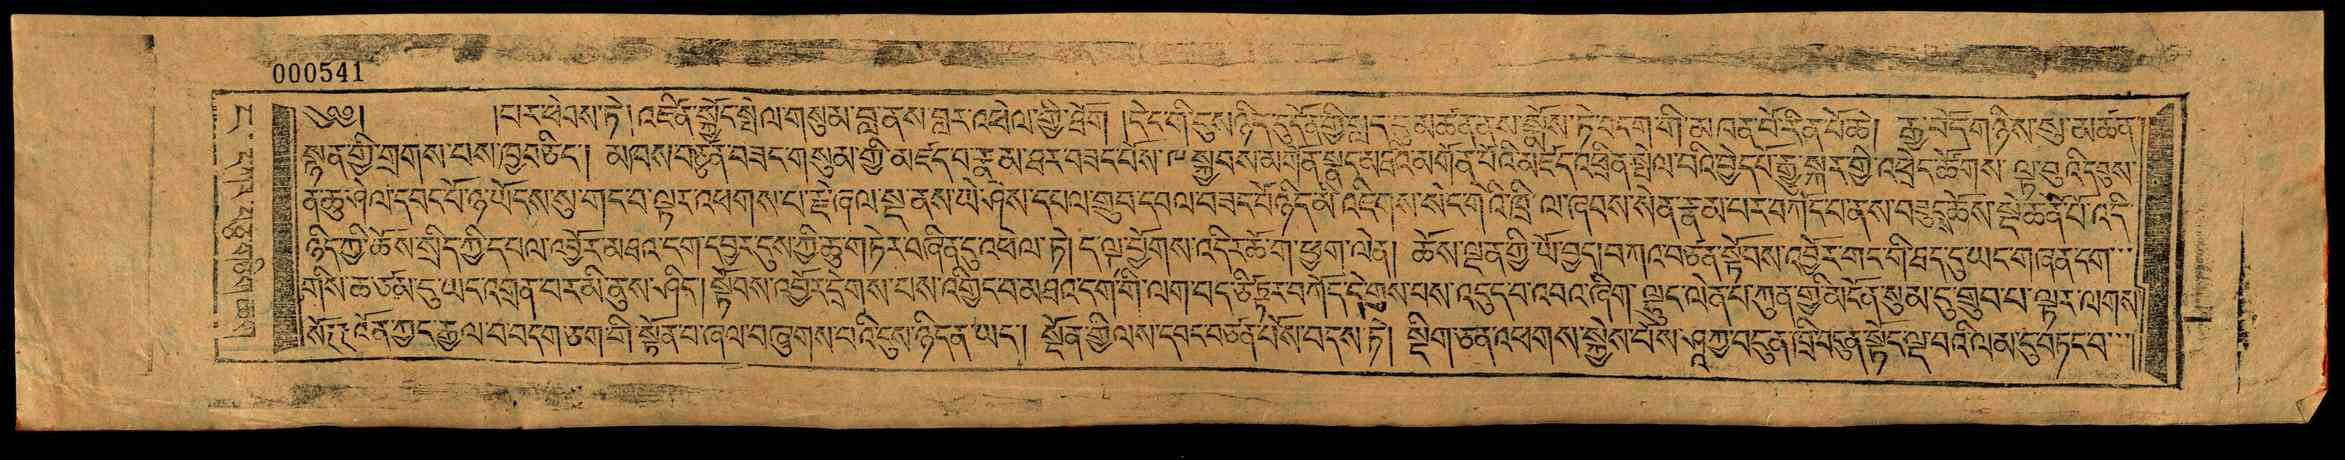༄༅། །པར་ཕེབས་ཏེ། འཛིན་སྐྱོང་སྤེལ་གསུམ་བླ་ནས་བླར་འཕེལ་གྱི་ཐོག །དེང་གི་དུས་ཉིད་དུ་དོན་གྱི་སླད་དུ་མཚན་ནས་སྨོས་ཏེ་བདག་གི་མཁན་པོ་རིན་པོ་ཆེ། རྒྱ་བོད་གཉིས་སུ་མཚན་
སྙན་གྱི་གྲགས་པས་ཁྱབ་ཅིང་། མཁས་བཙུན་བཟང་གསུམ་གྱི་མཛད་པ་རྣམ་ཐར་བཟང་པོས ༧སྐྱབས་མགོན་སྣང་མཐའི་མགོན་པོའི་མཛད་འཕྲིན་སྤེལ་བའི་བྱེད་པོ་རྒྱུ་སྐར་གྱི་འཕྲེང་ཚོགས་ལྟ་བུའི་དབུས་
ན་ཆུ་ཤེལ་དབང་པོ་ཉ་ཡོངས་སུ་གང་བ་ལྟར་འཕགས་པ་རྗེ་ཞལ་སྔ་ནས་ཡེ་ཤེས་དཔལ་གྲུབ་དཔལ་བཟང་པོ་ཉིད་མི་འཇིགས་སེང་གེའི་ཁྲི་ལ་ཞབས་སེན་རྣམ་པར་བཀོད་པ་ནས་བཟུངས་ཆོས་སྡེ་ཆེན་པོ་འདི་
ཉིད་ཀྱི་ཆོས་སྲིད་ཀྱི་དཔལ་འབྱོར་མཐའ་དག་དབྱར་དུས་ཀྱི་ཆུ་གཏེར་བཞིན་དུ་འཕེལ་ཏེ། ད་ལྟ་ཕྱོགས་འདིར་ཆོ་ག་ཕྱག་ལེན། ཆོས་ལྡན་གྱི་ཡོ་བྱད། བཀའ་བཙན་སྟོབས་འབྱོར་གང་གི་ཐད་དུ་ཡང་གཞན་དག་
གིས་ཆ་ཙམ་དུ་ཡང་འགྲན་པར་མི་ནུས་ཤིང་། སྟོབས་འབྱོར་དྲེགས་པས་འགྱིང་བ་མཐའ་དག་གི་ལག་པད་ཙི་ལྟར་བཀོད་དེ་གུས་པས་འདུད་པ་འབའ་ཞིག་ལྷུར་ལོན་པ་ཀུན་གྱི་མངོན་སུམ་དུ་གྲུབ་པ་ལྟར་ལགས་
སོ༑ ༑འོན་ཀྱང་རྒྱལ་བ་བདག་ཅག་གི་སྟོན་པ་ཞལ་བཞུགས་པའི་དུས་ཉིད་ན་ཡང་། སྔོན་གྱི་ལས་དབང་བཙན་པོས་བདས་ཏེ། སྡིག་ཅན་འཕགས་སྐྱེས་བོས་ཤཱཀྱ་བདུན་ཁྲི་བདུན་སྟོང་ལྔ་པའི་ལམ་དུ་བཏངས་